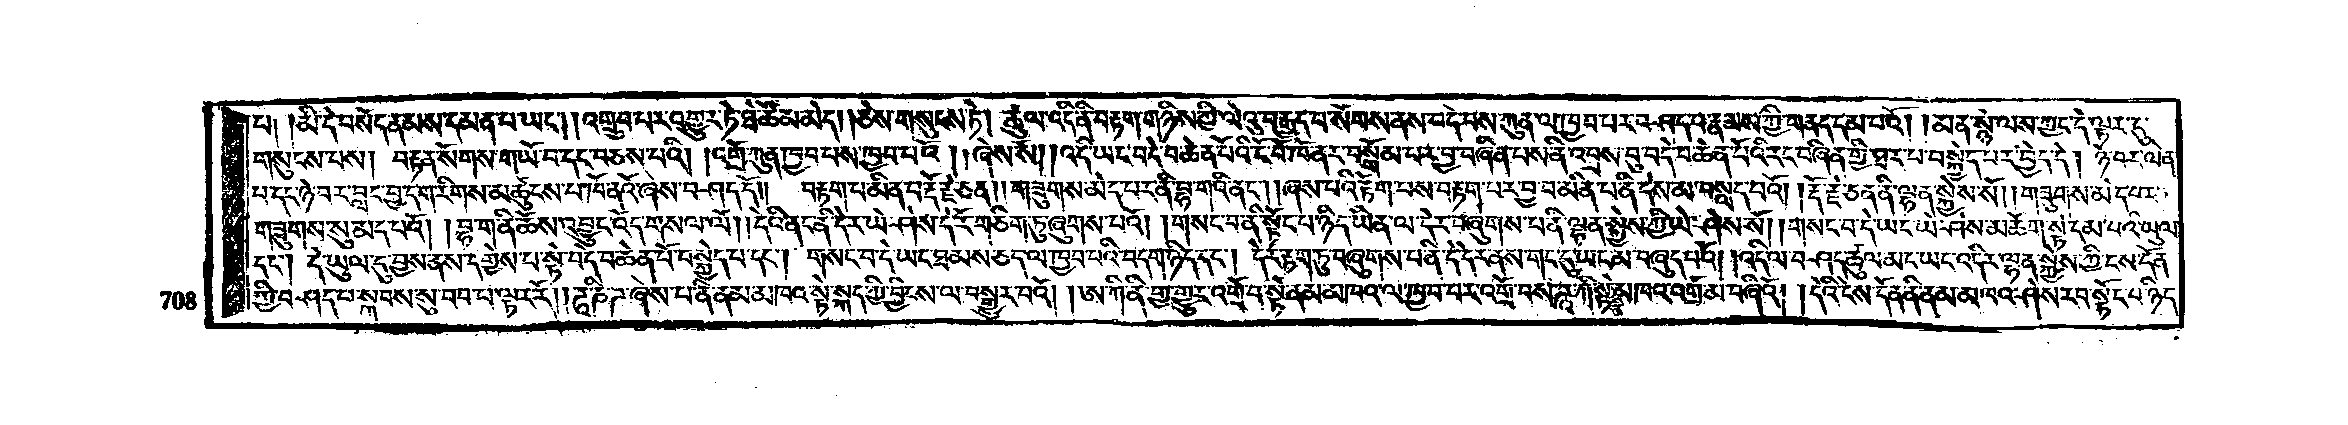པ། །མི་དེ་བསོད་ནམས་དམན་པ་ཡང་། །འགྲུབ་ཡར་འགྱུར་ཏེ་ཐེ་ཚོམ་མེད། །ཅེས་གསུངས་ཏེ། ཚུལ་འདི་ནི་བརྟག་གཉིས་ཀྱི་ལེའུ་བརྒྱད་པ་སོགས་ནས་བདེ་བས་ཀུན་ལ་ཁྱབ་པར་བཤད་པ་རྣམས་ཀྱི་གནད་དམ་པའི། །མན་སྙེ་ལས་ཀྱང་དེ་ལྟར་དུ་
གསུངས་པས། བརྟན་སོགས་གཡོ་བ་དང་བཅས་པའི། །འགྲོ་ཀུན་ཁྱབ་པས་ཁྱབ་པའོ། །ཞེས་སོ། །འདི་ཡང་བདེ་བ་ཆེན་པོའི་ངོ་བོ་ཁོ་ནར་བསྒོམ་པར་བྱ་བཞིན་པས་ནི་འབྲས་བུ་བདེ་བ་ཆེན་པོའི་རང་བཞིན་གྱི་ཐར་པ་བསྐྱེད་པར་བྱེད་དེ། ཉེ་བར་ལེན་
པ་དང་ཉེ་བར་བླང་བྱ་དག་རིགས་མཚུངས་པ་ཁོ་ནའོ་ཞས་བཤད་དོ། བརྟག་པ་མིན་པ་རྡོ་རྗེ་ཅན། གཟུགས་མེད་པར་ནི་བྷ་གའི་ནང་། །ཞས་པའི་རྟོག་པས་བརྟོག་པར་བྱ་བ་མིན་པ་ནི་དེས་མ་བསླད་པའོ། །རྡོ་རྗེ་ཅན་ནི་ལྷན་སྐྱེས་སོ། །གཟུགས་མེད་པར་ཏེ་
གཟུགས་སུ་མེད་པའོ། །བྷ་ག་ནི་ཆོས་འབྱུང་འོད་གསལ་ལོ། །དེའི་ནང་ནི་དེར་ཡེ་ཤེས་དེ་རོ་གཅིག་ཏུ་ཞུགས་པའོ། །གསང་བ་ནི་སྟོང་པ་ཉིད་ཡིན་ལ་དེར་བཞུགས་པ་ནི་ལྷན་སྐྱེས་ཀྱི་ཡེ་ཤེས་སོ། །གསང་བ་དེ་ཡང་ཡེ་ཤེས་མཆོག་སྟེ་དམ་པའི་ཡུལ་
དང་། དེ་ཡུལ་དུ་བྱས་ནས་དགྱེས་པ་སྟེ་བདེ་བ་ཆེན་པོ་བསྐྱེད་པ་དང་། གསང་བ་དེ་ཡང་ཐམས་ཅད་ལ་ཁྱབ་པའི་བདག་ཉིད་དང་། དེར་རྟག་ཏུ་བཞུགས་པ་ནི་དེ་དེར་ནས་གང་དུ་ཡང་མ་བཞུད་པའོ། །འདི་ལ་བཤད་ཚུལ་?་མང་ཡང་འདིར་ལྷན་སྐྱེས་ཀྱི་ངེས་དོན་
གྱི་བཤད་པ་སྐབས་སུ་བབ་པ་ལྟར་རོ། །ཌཱ་ཎི་ཌ་ཞེས་པ་ནི་ནམ་མཁའ་སྟེ་སྐད་ཀྱི་བྱིངས་ལ་བསྒྱུར་བའོ། །ཨ་ཀི་ནི་གྱ་གྱུར་འགྲོ་བ་སྟེ་ནམ་མཁའ་ལ་ཁྱབ་པར་འགྲོ་བས་ཌཱ་ཀི་སྟེ་ནི་མཁའ་འགྲོ་མ་བཞིའོ། །དེའི་ངེས་དོན་ནི་ནམ་མཁའ་ཤེས་རབ་སྟོང་པ་ཉིད་